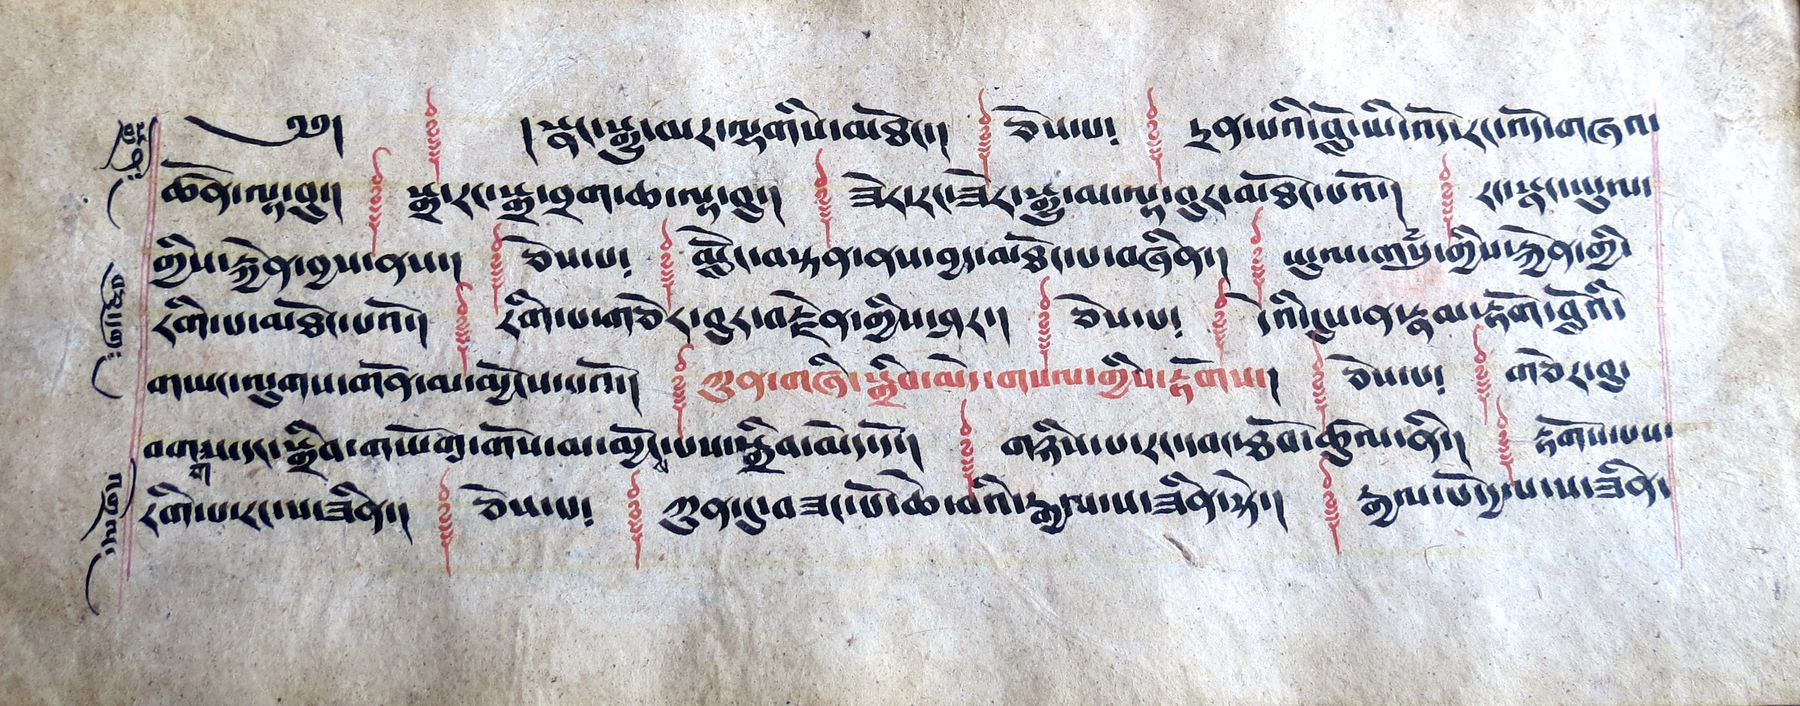སྣང་སྒྱུ་མར་ལྷག་གིས་མཐོང་། །ཞེས་པས། དྲན་པའི་བློའི་འོད་རང་འོད་གཞའ་
ཚོན་ལྟ་བུ། སྒྲ་རང་སྒྲ་བྲག་ཆ་ལྟ་བུ། ཟེར་རང་ཟེར་སྒྱུ་མ་ལྟ་བུར་མཐོང་བའོ། །རང་སྣང་ཡུལ་
གྱིས་རྐྱེན་བྱས་ནས། །ཞེས་པས། མེ་ལོང་བསྟན་པས་བྱད་མཐོང་བ་བཞིན། ཡུལ་གསུམ་གྱི་རྐྱེན་གྱིས་
རིག་པ་མཐོང་བའོ། །རིག་པ་གཅེར་བུར་རྗེན་གྱིས་ཤར། །ཅེས་པས། དེའི་དུས་ན་རྣམ་རྟོག་བློའི་
གཡང་ལུགས་གོས་མ་མྱོང་པའོ། །ཀུན་གཞི་སྒྲིབ་མེད་གསལ་གྱིས་རྟོགས། །ཞེས་པས། གཅེར་བུ་
བག་ཆགས་དང་སྒྲིབ་གཡོགས་གོས་མ་མྱོང་པས་སྒྲིབ་མེད་དོ། །གཉིས་པ་རང་དབང་ཐོབ་ཚུལ་ནི། རྟོགས་པས་
རིག་པ་རང་ས་ཟིན། །ཅེས་པས། ཀུན་ཏུ་བཟང་པོས་ཆེ་བའི་རྒྱལ་ས་ཟིན་ཏེ། རྒྱལ་པོས་རྒྱལ་ས་ཟིན་པ་